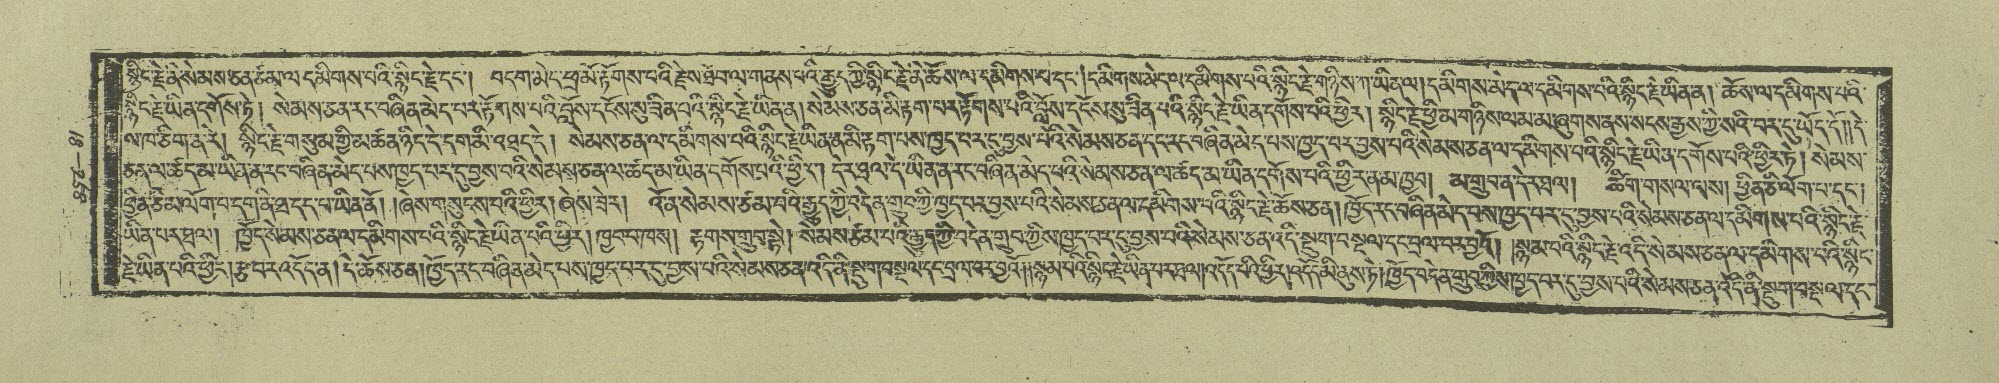སྙིང་རྗེ་ནི་སེམས་ཅན་ཙམ་ལ་དམིགས་པའི་སྙིང་རྗེ་དང་། བདག་མེད་ཕྲ་མོ་རྟོགས་པའི་རྗེས་ཐོབ་ལ་གནས་པའི་རྒྱུད་ཀྱི་སྙིང་རྗེ་ནི་ཆོས་ལ་དམིགས་པ་དང་། དམིགས་མེད་ལ་དམིགས་པའི་སྙིང་རྗེ་གཉིས་ཀ་ཡིན་ལ། དམིགས་མེད་ལ་དམིགས་པའི་སྙིང་རྗེ་ཡིན་ན། ཆོས་ལ་དམིགས་པའི་
སྙིང་རྗེ་ཡིན་དགོས་ཏེ། སེམས་ཅན་རང་བཞིན་མེད་པར་རྟོགས་པའི་བློས་དངོས་སུ་ཟིན་པའི་སྙིང་རྗེ་ཡིན་ན། སེམས་ཅན་མི་རྟག་པར་རྟོགས་པའི་བློས་དངོས་སུ་ཟིན་པའི་སྙིང་རྗེ་ཡིན་དགོས་པའི་ཕྱིར། སྙིང་རྗེ་ཕྱི་མ་གཉིས་ལམ་མ་ཞུགས་ནས་སངས་རྒྱས་ཀྱི་སའི་བར་དུ་ཡོད་དོ། །དེ་
ལ་ཁ་ཅིག་ན་རེ། སྙིང་རྗེ་གསུམ་གྱི་མཚན་ཉིད་དེ་དག་མི་འཐད་དེ། སེམས་ཅན་ལ་དམིགས་པའི་སྙིང་རྗེ་ཡིན་ན་མི་རྟག་པས་ཁྱད་པར་དུ་བྱས་པའི་སེམས་ཅན་དང་རང་བཞིན་མེད་པས་ཁྱད་པར་བྱས་པའི་སེམས་ཅན་ལ་དམིགས་པའི་སྙིང་རྗེ་ཡིན་དགོས་པའི་ཕྱིར་ཏེ། སེམས་
ཅན་ལ་ཚད་མ་ཡིན་ན་རང་བཞིན་མེད་པས་ཁྱད་པར་དུ་བྱས་པའི་སེམས་ཅན་ལ་ཚད་མ་ཡིན་དགོས་པའི་ཕྱིར། དེར་ཐལ་དེ་ཡིན་ན་རང་བཞིན་མེད་པའི་སེམས་ཅན་ལ་ཚད་མ་ཡིན་དགོས་པའི་ཕྱིར་ན་མ་ཁྱབ། མ་གྲུབ་ན་དེར་ཐལ། ཚིག་གསལ་ལས། ཕྱིན་ཅི་ལོག་པ་དང་།
ཕྱིན་ཅི་མ་ལོག་བདག་ནི་ཐ་དད་པ་ཡིན་ནོ། །ཞེས་གསུངས་པའི་ཕྱིར། ཞེས་ཟེར། འོ་ན་སེམས་ཙམ་པའི་རྒྱུད་ཀྱི་བདེན་གྲུབ་ཀྱི་ཁྱད་པར་བྱས་པའི་སེམས་ཅན་ལ་དམིགས་པའི་སྙིང་རྗེ་ཆོས་ཅན། ཁྱོད་རང་བཞིན་མེད་པས་ཁྱད་པར་དུ་བྱས་པའི་སེམས་ཅན་ལ་དམིགས་པའི་སྙིང་རྗེ་
ཡིན་པར་ཐལ། ཁྱོད་སེམས་ཅན་ལ་དམིགས་པའི་སྙིང་རྗེ་ཡིན་པའི་ཕྱིར། ཁྱབ་པ་ཁས། རྟགས་གྲུབ་སྟེ། སེམས་ཙམ་པའི་རྒྱུད་ཀྱི་བདེན་གྲུབ་ཀྱིས་ཁྱད་པར་དུ་བྱས་པའི་སེམས་ཅན་འདི་སྡུག་བསྔལ་དང་བྲལ་བར་བྱའོ། །སྙམ་པའི་སྙིང་རྗེ་འདི་སེམས་ཅན་ལ་དམིགས་པའི་སྙིང་
རྗེ་ཡིན་པའི་ཕྱིར། རྩ་བར་འདོད་ན། དེ་ཆོས་ཅན། ཁྱོད་རང་བཞིན་མེད་པས་ཁྱད་པར་དུ་བྱས་པའི་སེམས་ཅན་འདི་ནི་སྡུག་བསྔལ་དང་བྲལ་བར་བྱའོ། །སྙམ་པའི་སྙིང་རྗེ་ཡིན་པར་ཐལ། འདོད་པའི་ཕྱིར། འདོད་མི་ནུས་ཏེ། ཁྱོད་བདེན་གྲུབ་ཀྱིས་ཁྱད་པར་དུ་བྱས་པའི་སེམས་ཅན་འདི་ནི་སྡུག་བསྔལ་དང་